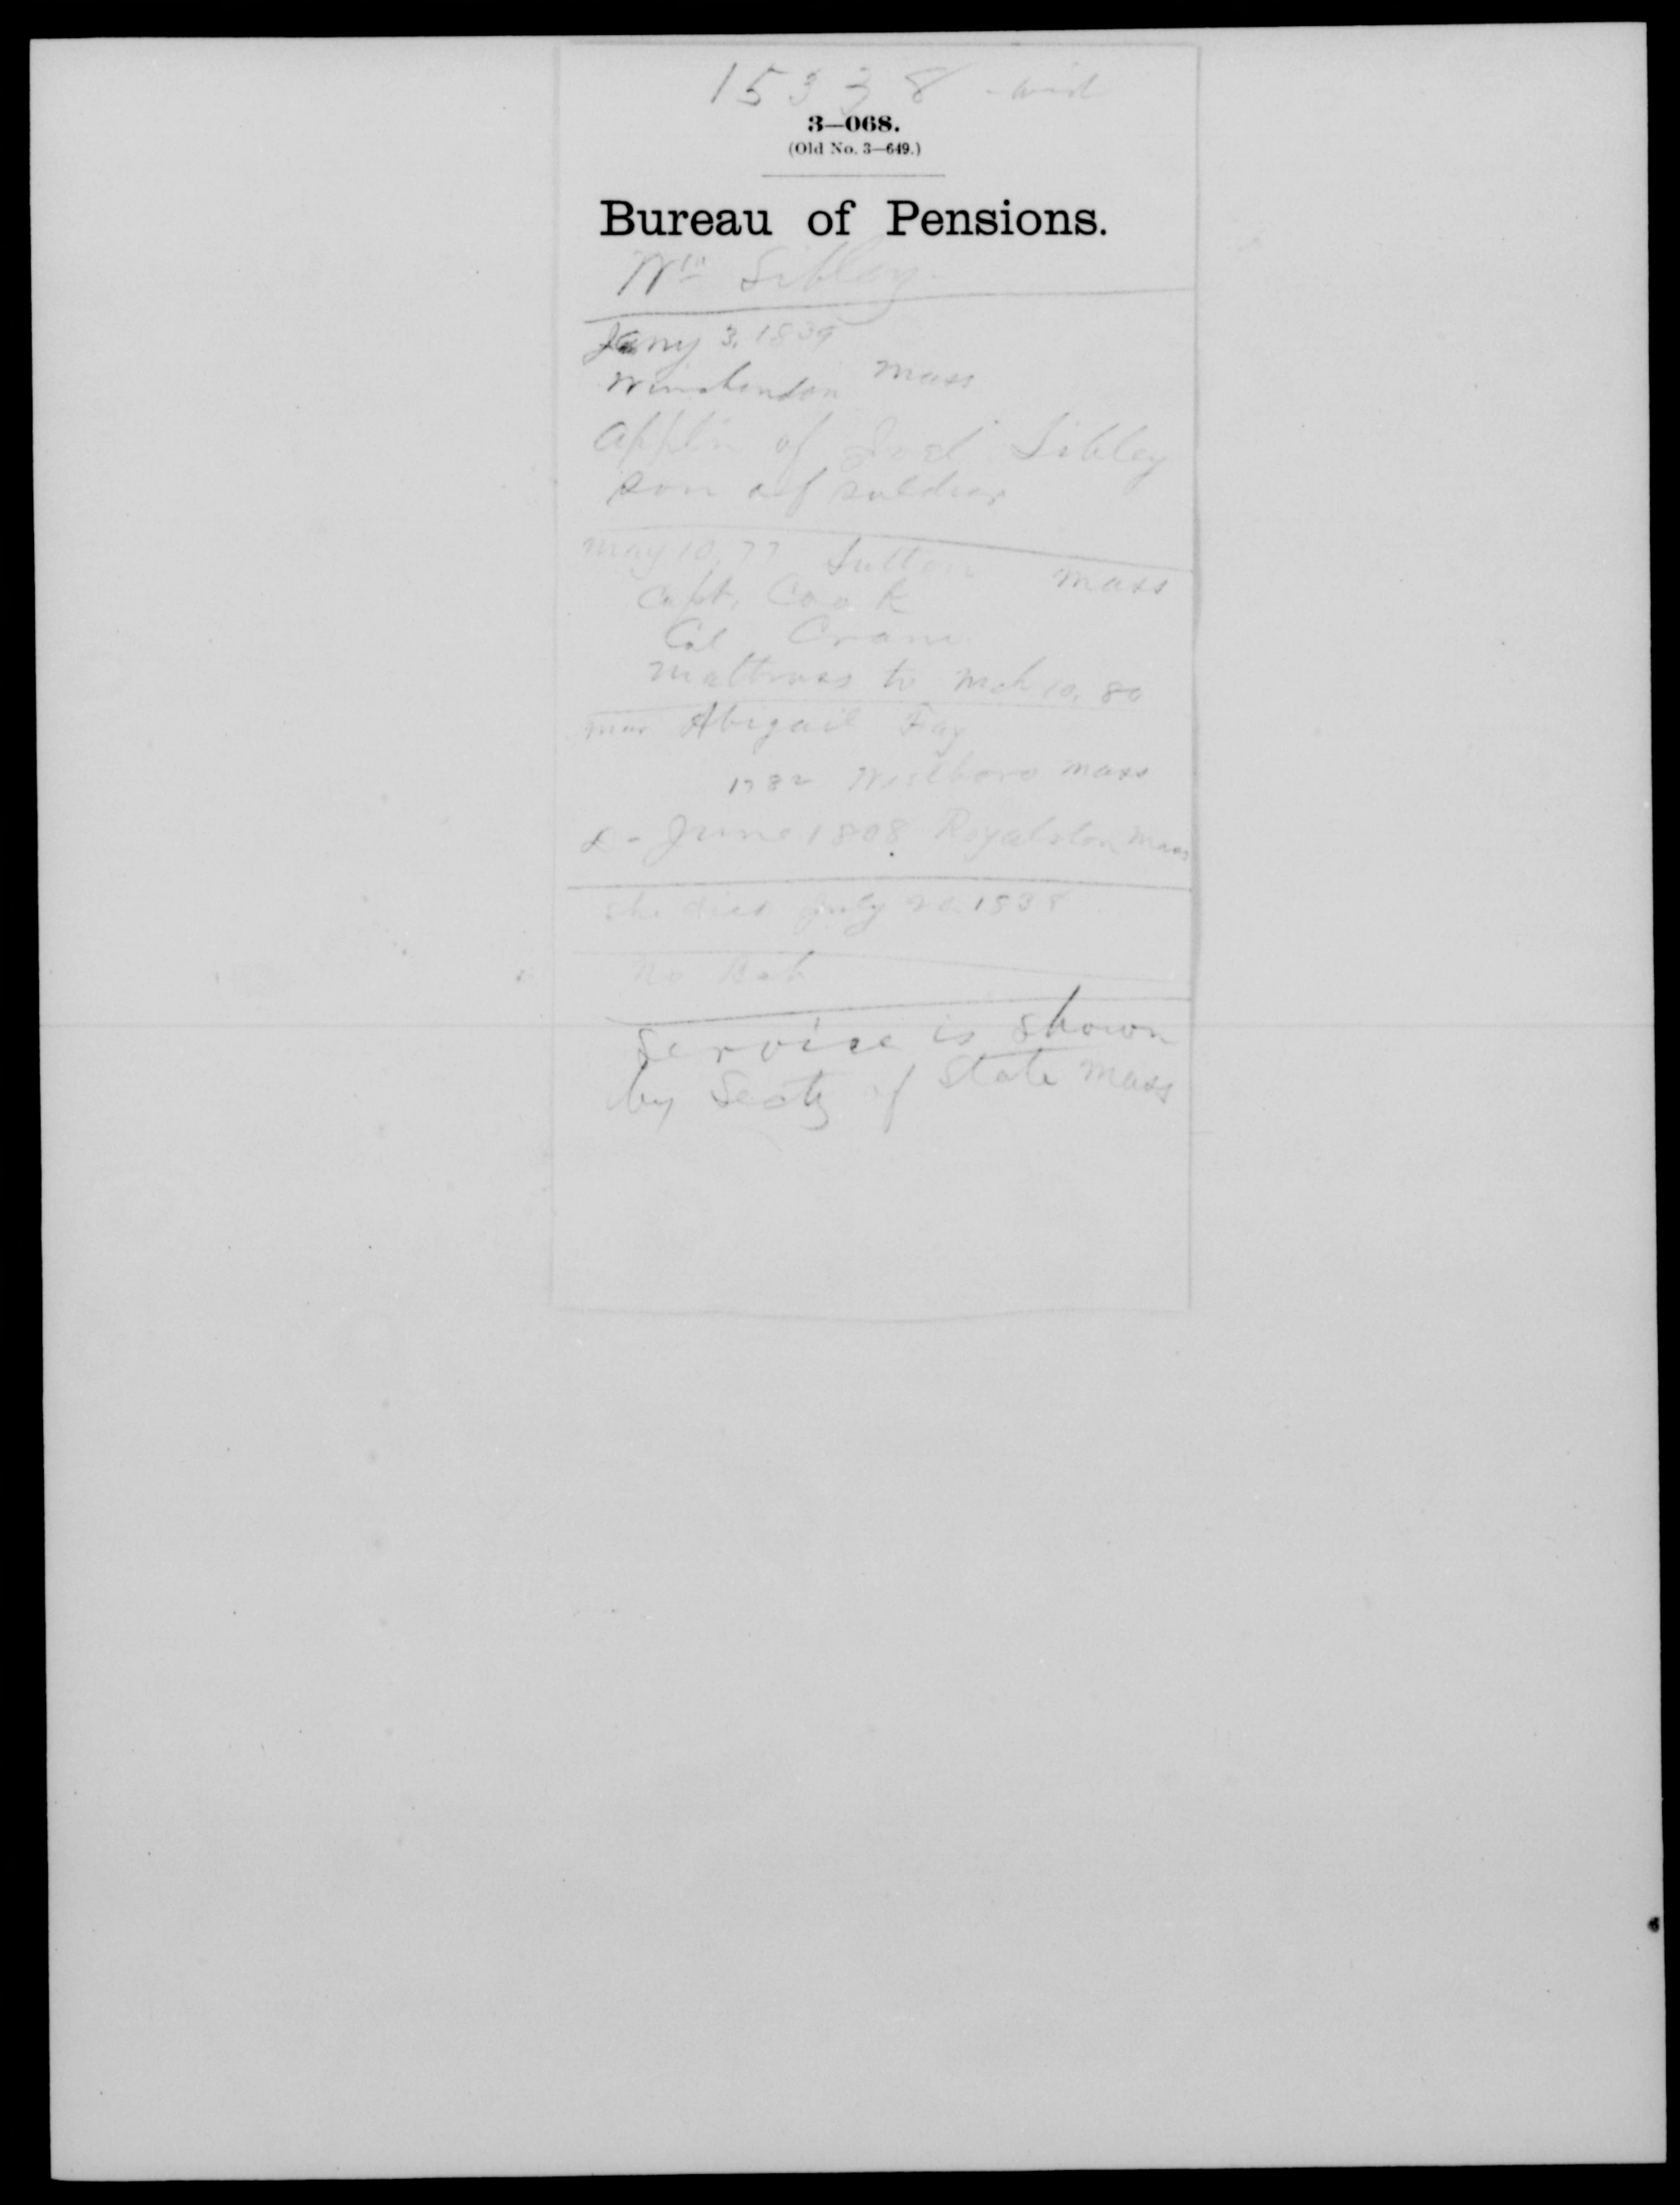15338 - [illegible]
3-068
(Old No. 3-649)
Bureau of Pensions
Wm Sibley
Jany 3, 1839
Winchendon Mass
Appli of Joel Sibley son of soldier 
May 10, 77 Sutton Mass
Capt. Cook
Col Crane
Mattross to Mah 10, 80
Mar Abigail Fay
1782 Westboro Mass
D - June 1808 Royalston Mass
She died July 20,1838
No Bab
Service is shown by Secty of State Mass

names: [BLANK] Cook; Abigail Fay; Joel Sibley; Wm Sibley; [BLANK] Crane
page: 19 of 24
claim: widow's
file: W. 15,338, for William Sibley, Massachusetts